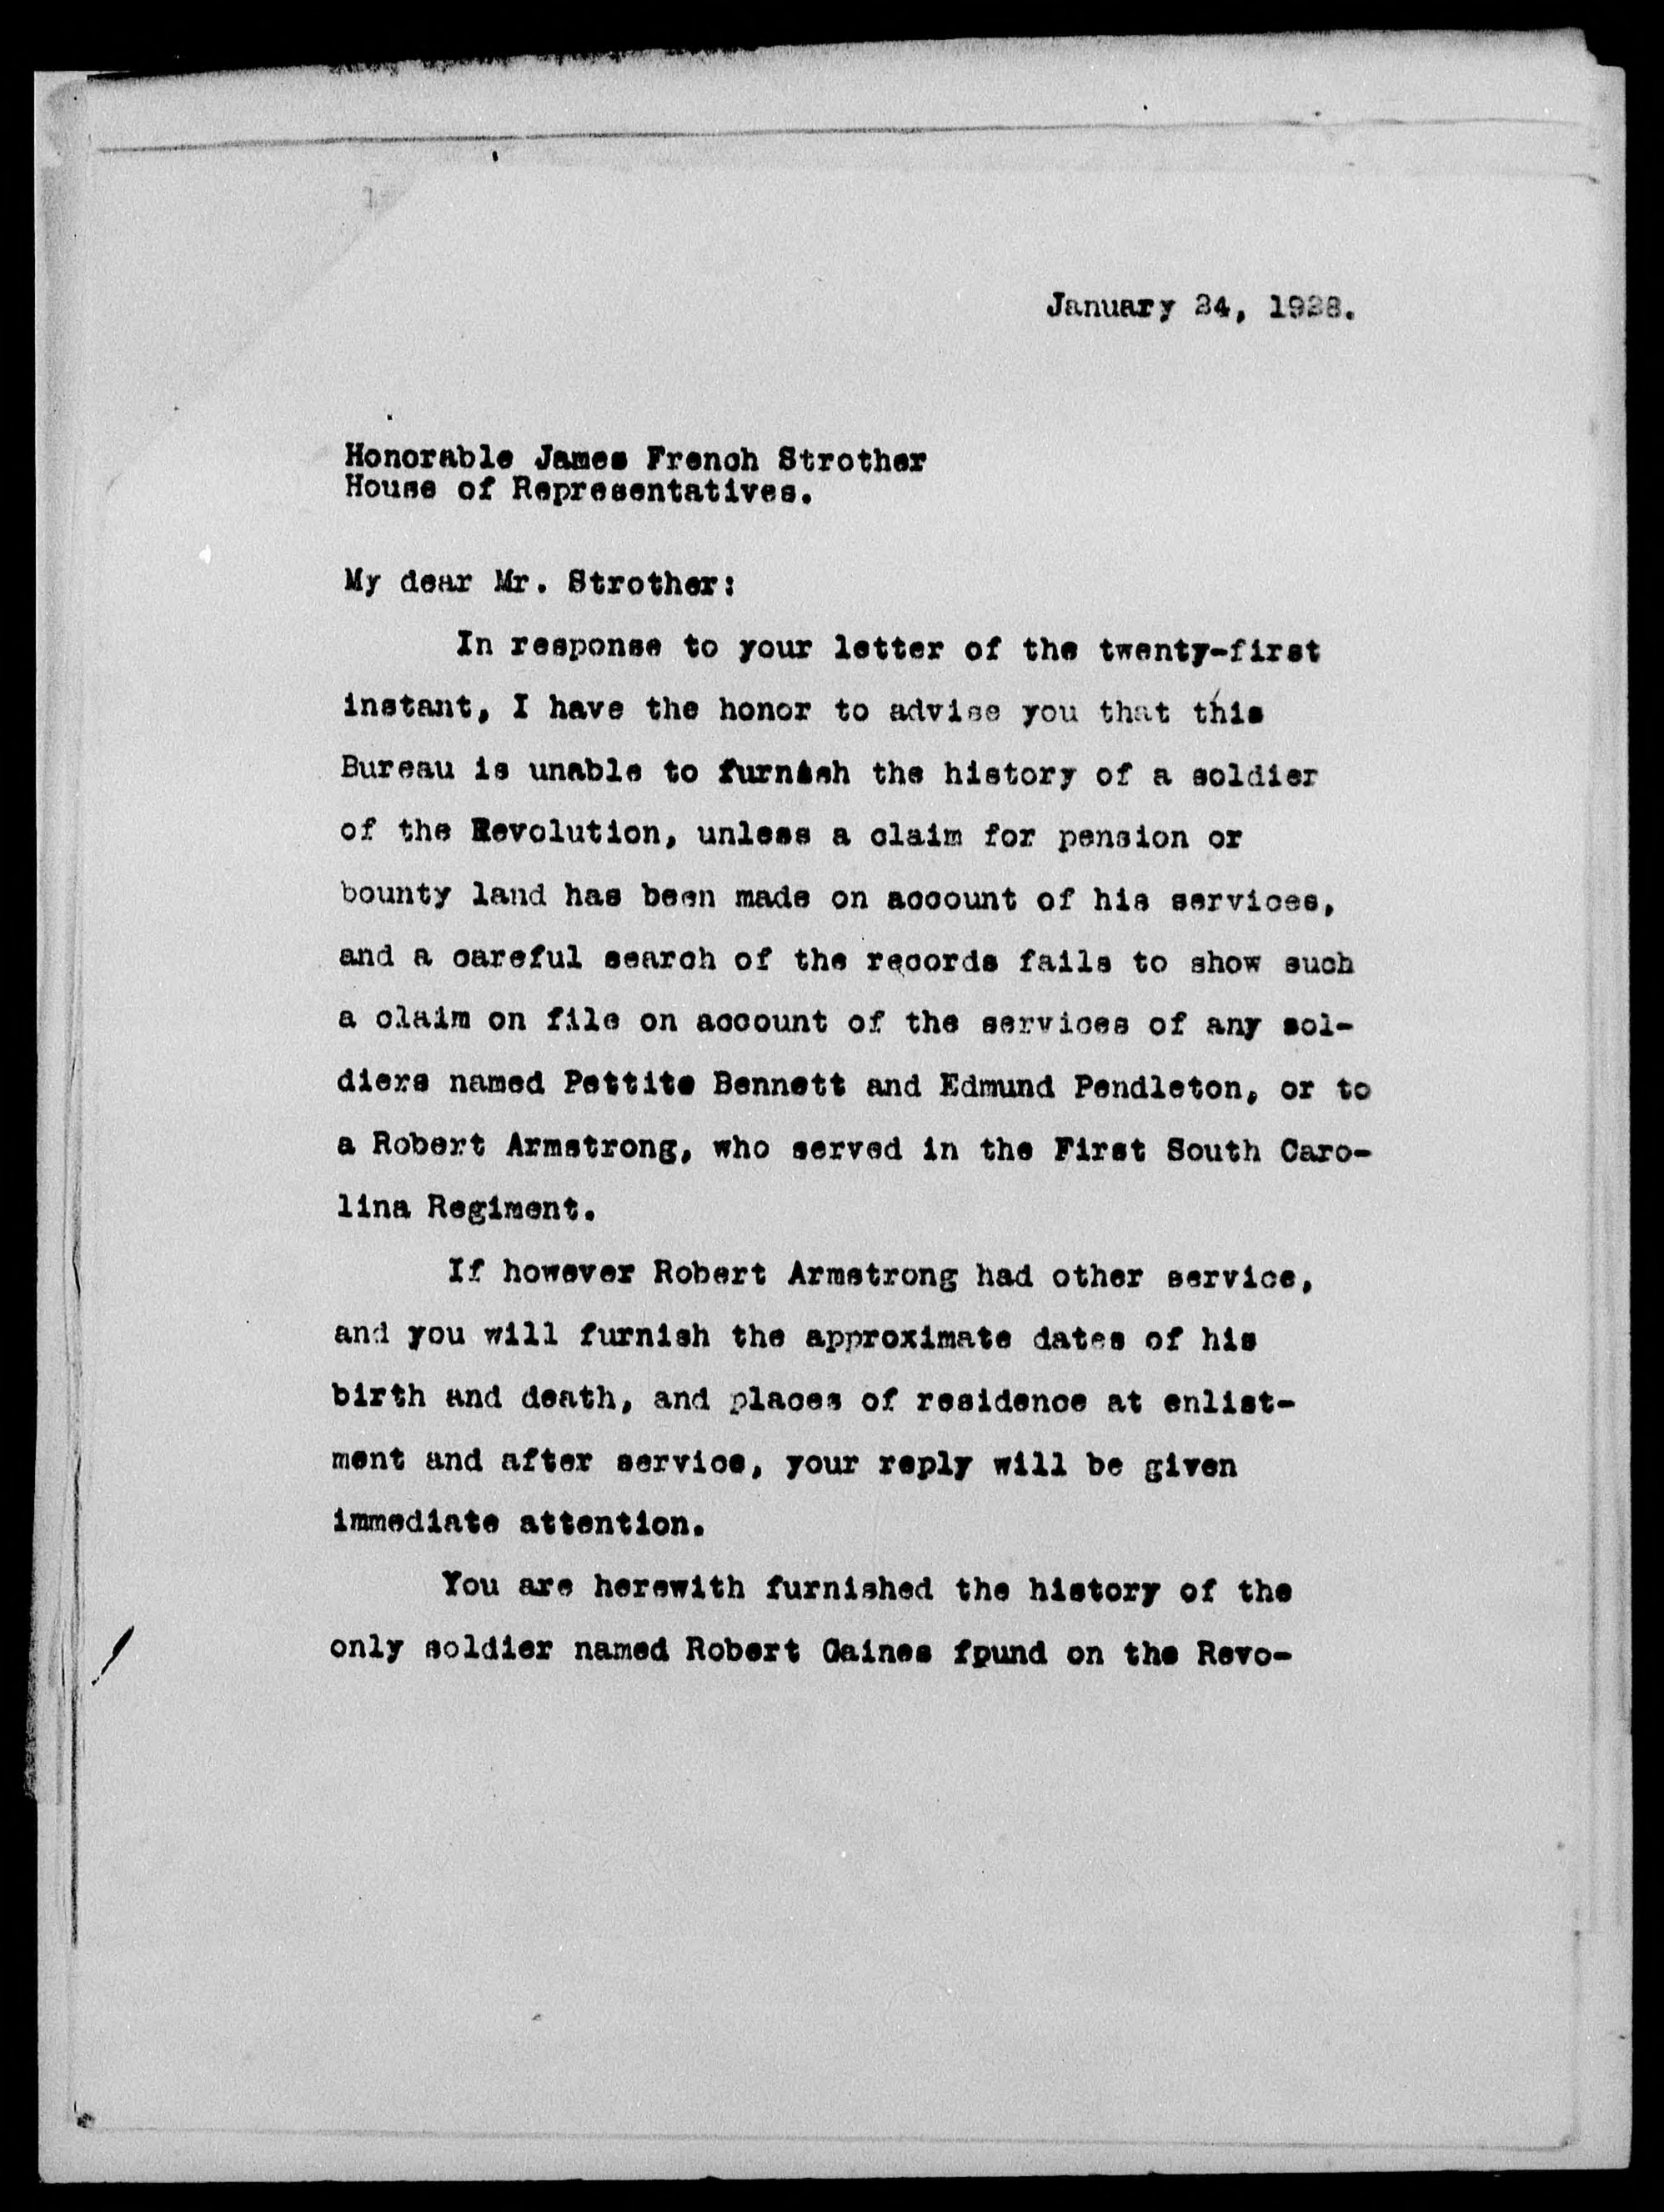January 24, 1928.
Honorable James French Strother
House of Representatives.
My dear Mr. Strother:
In response to your letter of the twenty-first
instant, I have the honor to advise you that this
Bureau is unable to furnish the history of a soldier
of the Revolution, unless a claim for pension or
bounty land has been made on account of his services,
and a careful search of the records fails to show such
a claim on file on account of the services of any soldiers
named Pettite Bennett and Edmund Pendleton, or to
Robert Armstrong, who served in the First South Carolina
Regiment.
If however Robert Armstrong had other service,
and you will furnish the approximate dates of his
birth and death, and places of residence at enlistment and after service, your reply will be given
immediate attention,
You are herewith furnished the history of the
only soldier named Robert Gaines found on the Revo-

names: Pettite Bennett, Edmund Pendleton, Strother, Robert Gaines, Robert Armstrong, James French Strother, Robert Armstrong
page: 31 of 79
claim: rejected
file: R. 3863, Robert Gaines, Va.